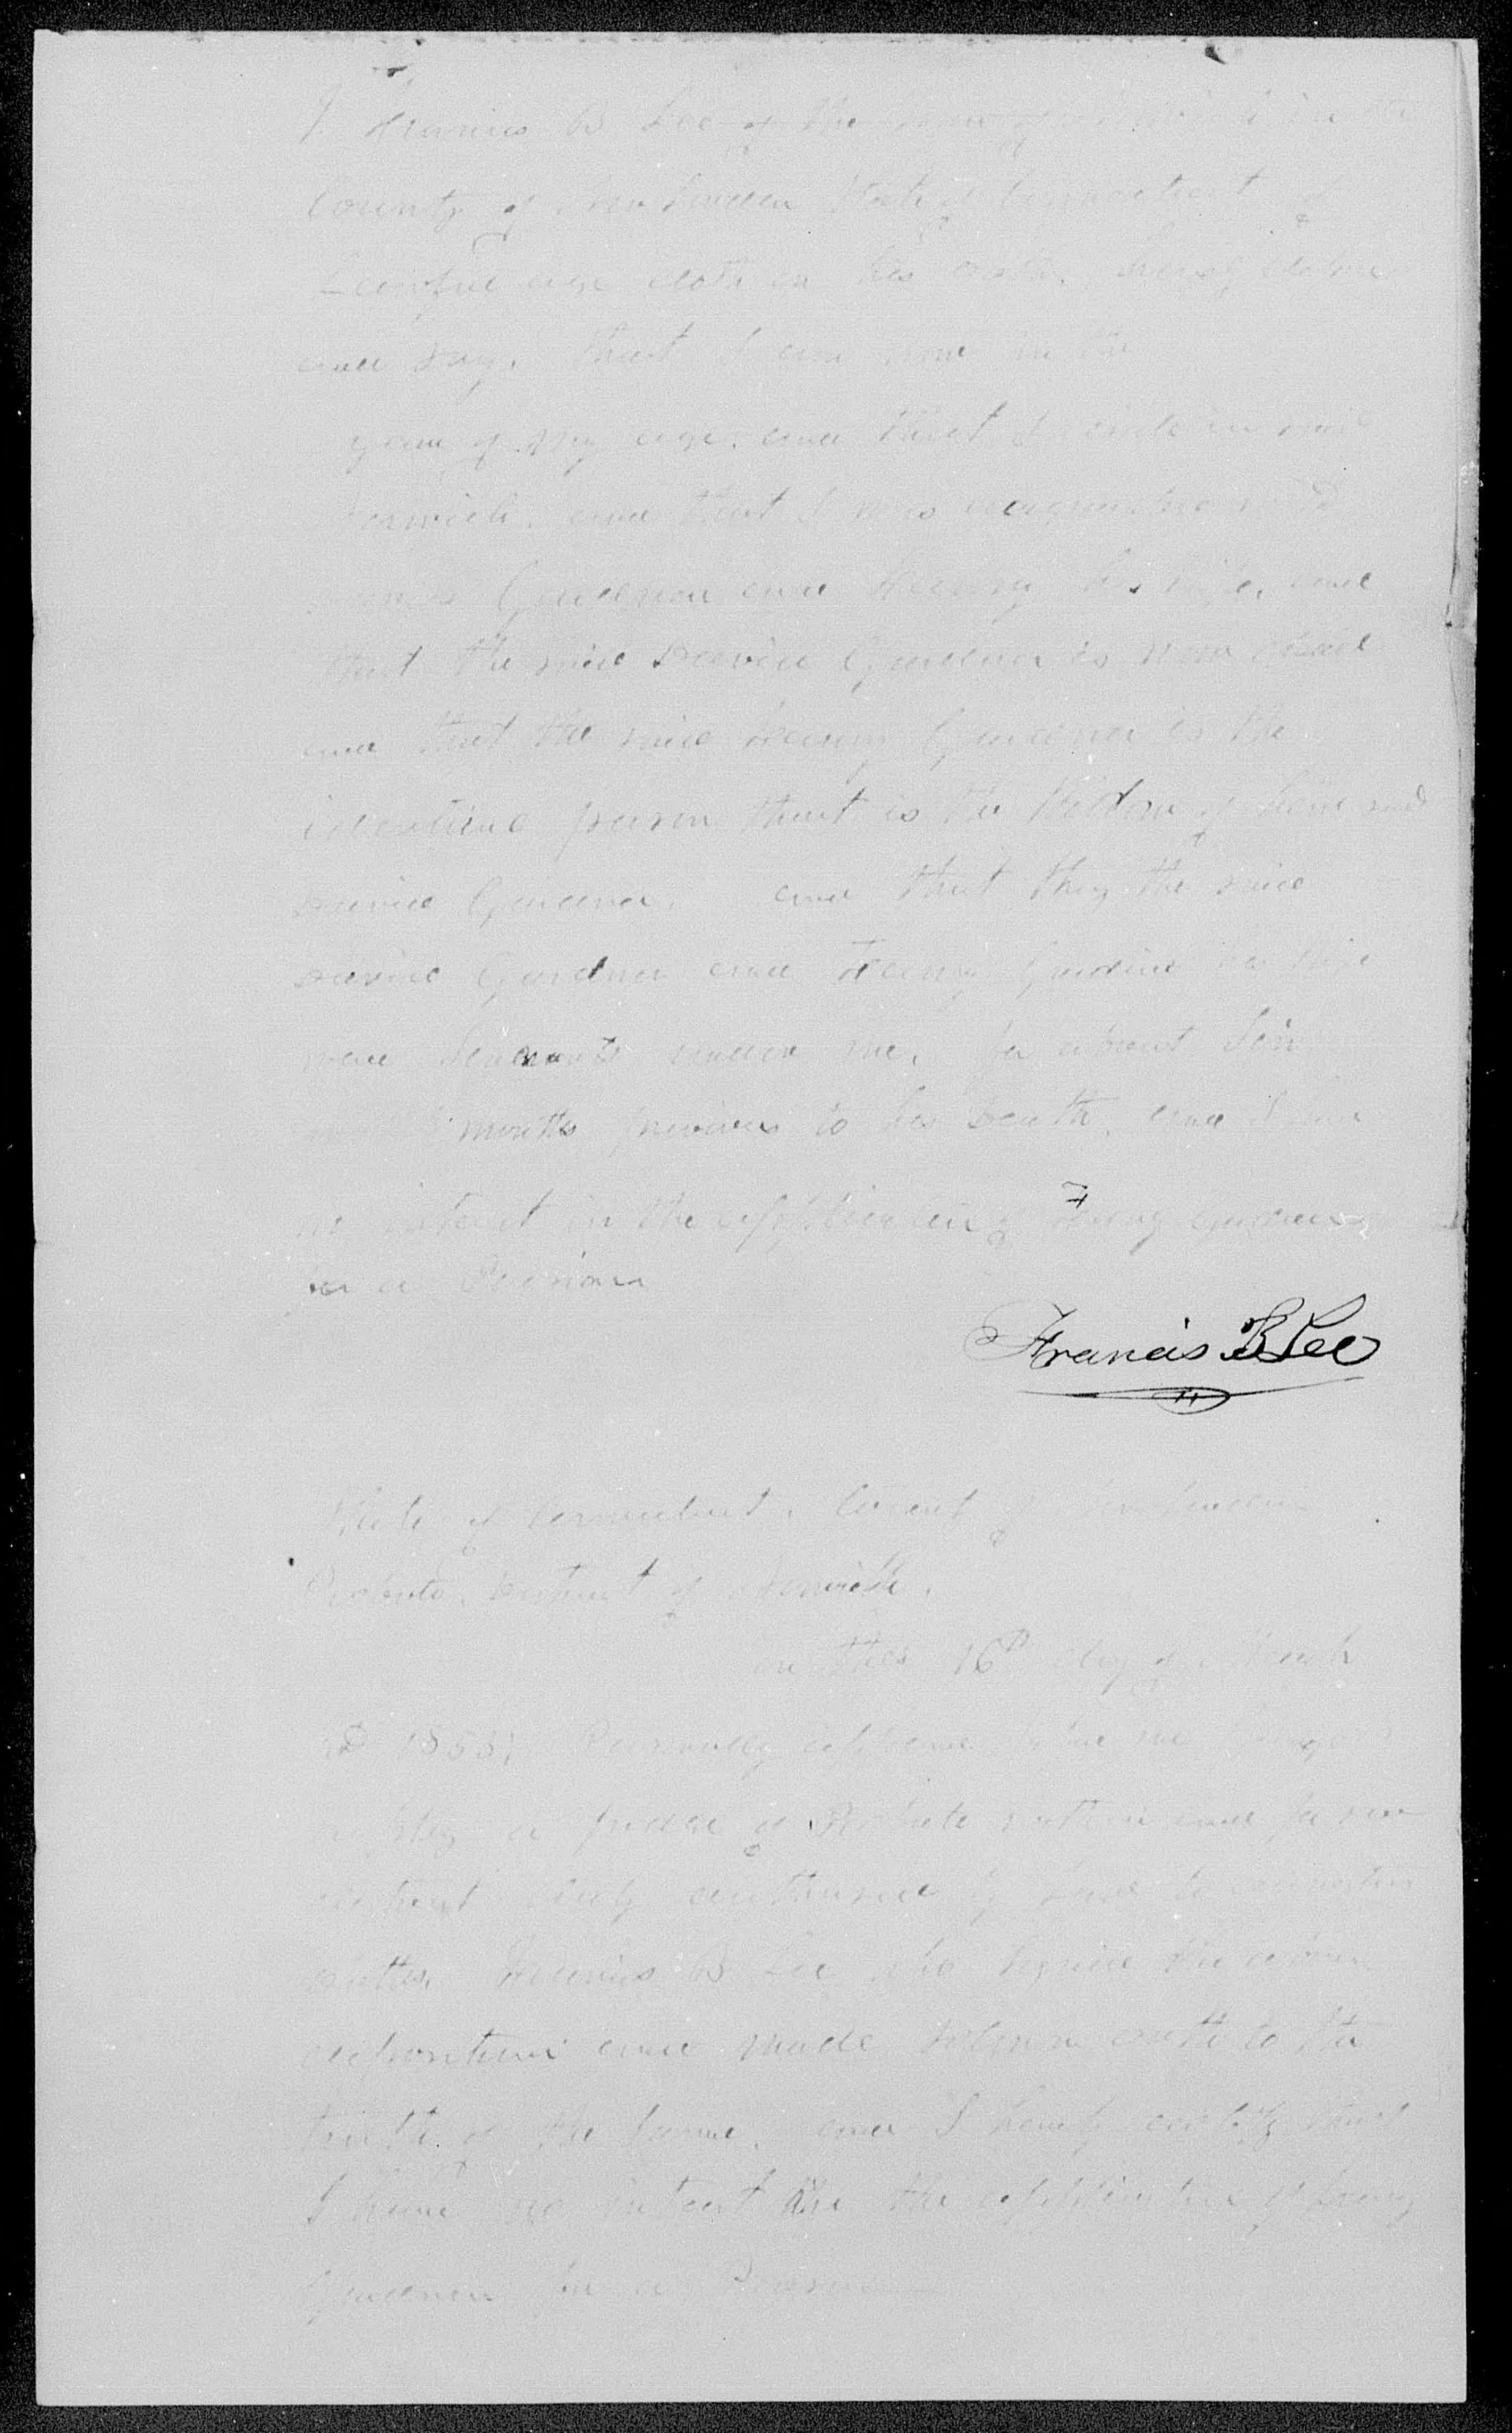I, Francis B. Lee of the town of Norwich
County of New London State of Connecticut of lawful age doth on his oath hereby declare and say that I am in the [illegible] year of my age and that I reside in said Norwich and that I was acquainted with David Gardner and Fanny his wife and that the said David Gardner is now dead and that the said Fanny Gardner is the identical person that is the widow of the said David Gardner and that they the said David Gardner and Fanny Gardner  his wife were servants under me me, for about sixteen months previous to his death. And I have no interest in the application of Fanny Gardner for a pension.
Francis B. Lee
State of Connecticut, County of New London
Probate District of Norwich
On this 16th day of March 1853 personally appeared before me George B. Ripley a judge of probate within and for aforesaid district duly authorized by law to question witnesses Francis B. Lee who  [illegible] the above deposition and made solemn oath to the the truth of the same, and I hereby certify that I have no interest in the application of Fanny Gardner for a pension.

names: Francis B Lee, Fanny Gardner, Gardner, David Gardner, Fanny Gardner, David Gardner, David Gardner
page: 52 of 66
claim: widow's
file: W 1850, David Gardner, Conn.